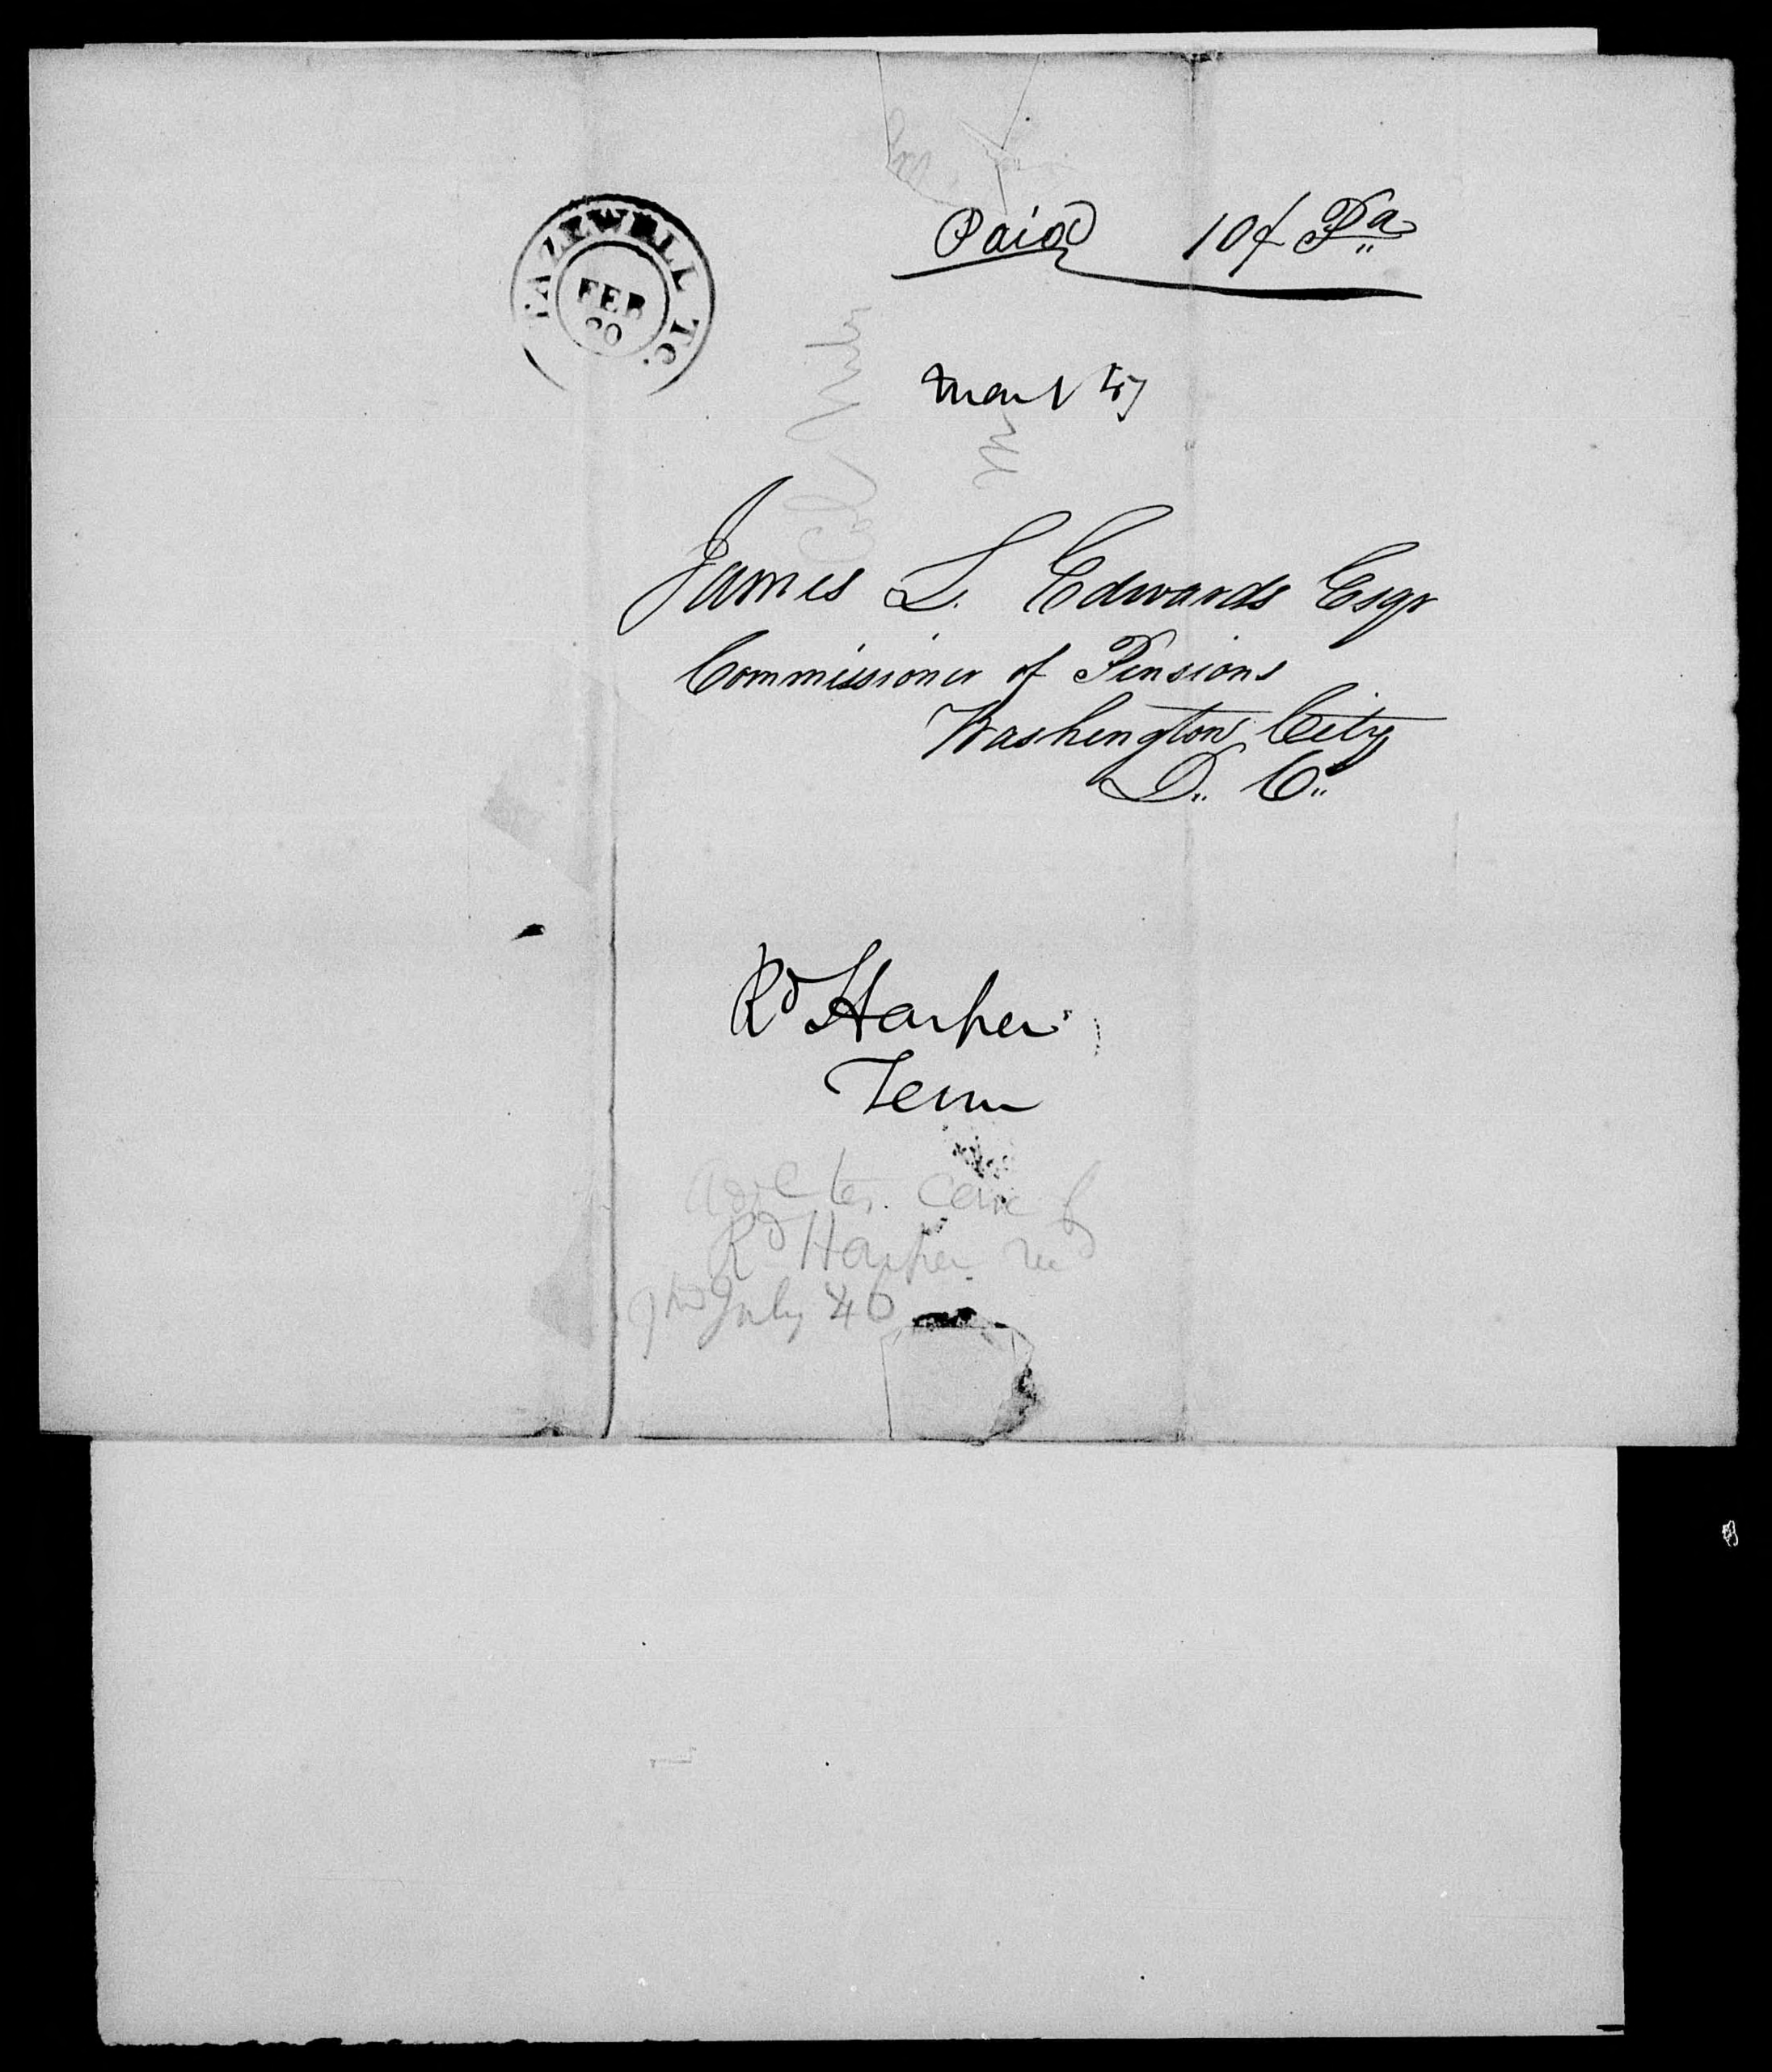TAZEWELL Te.
FEB 20

Paid 10c Pa

James L Edwards Esq
Commissioner of Pensions
Washington City
D. C.

R Harper
Tenn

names: Rd Harper, James L Edwards, Rd Harper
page: 32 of 81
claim: survivor's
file: S. 1908, Richard Harper, N.C.